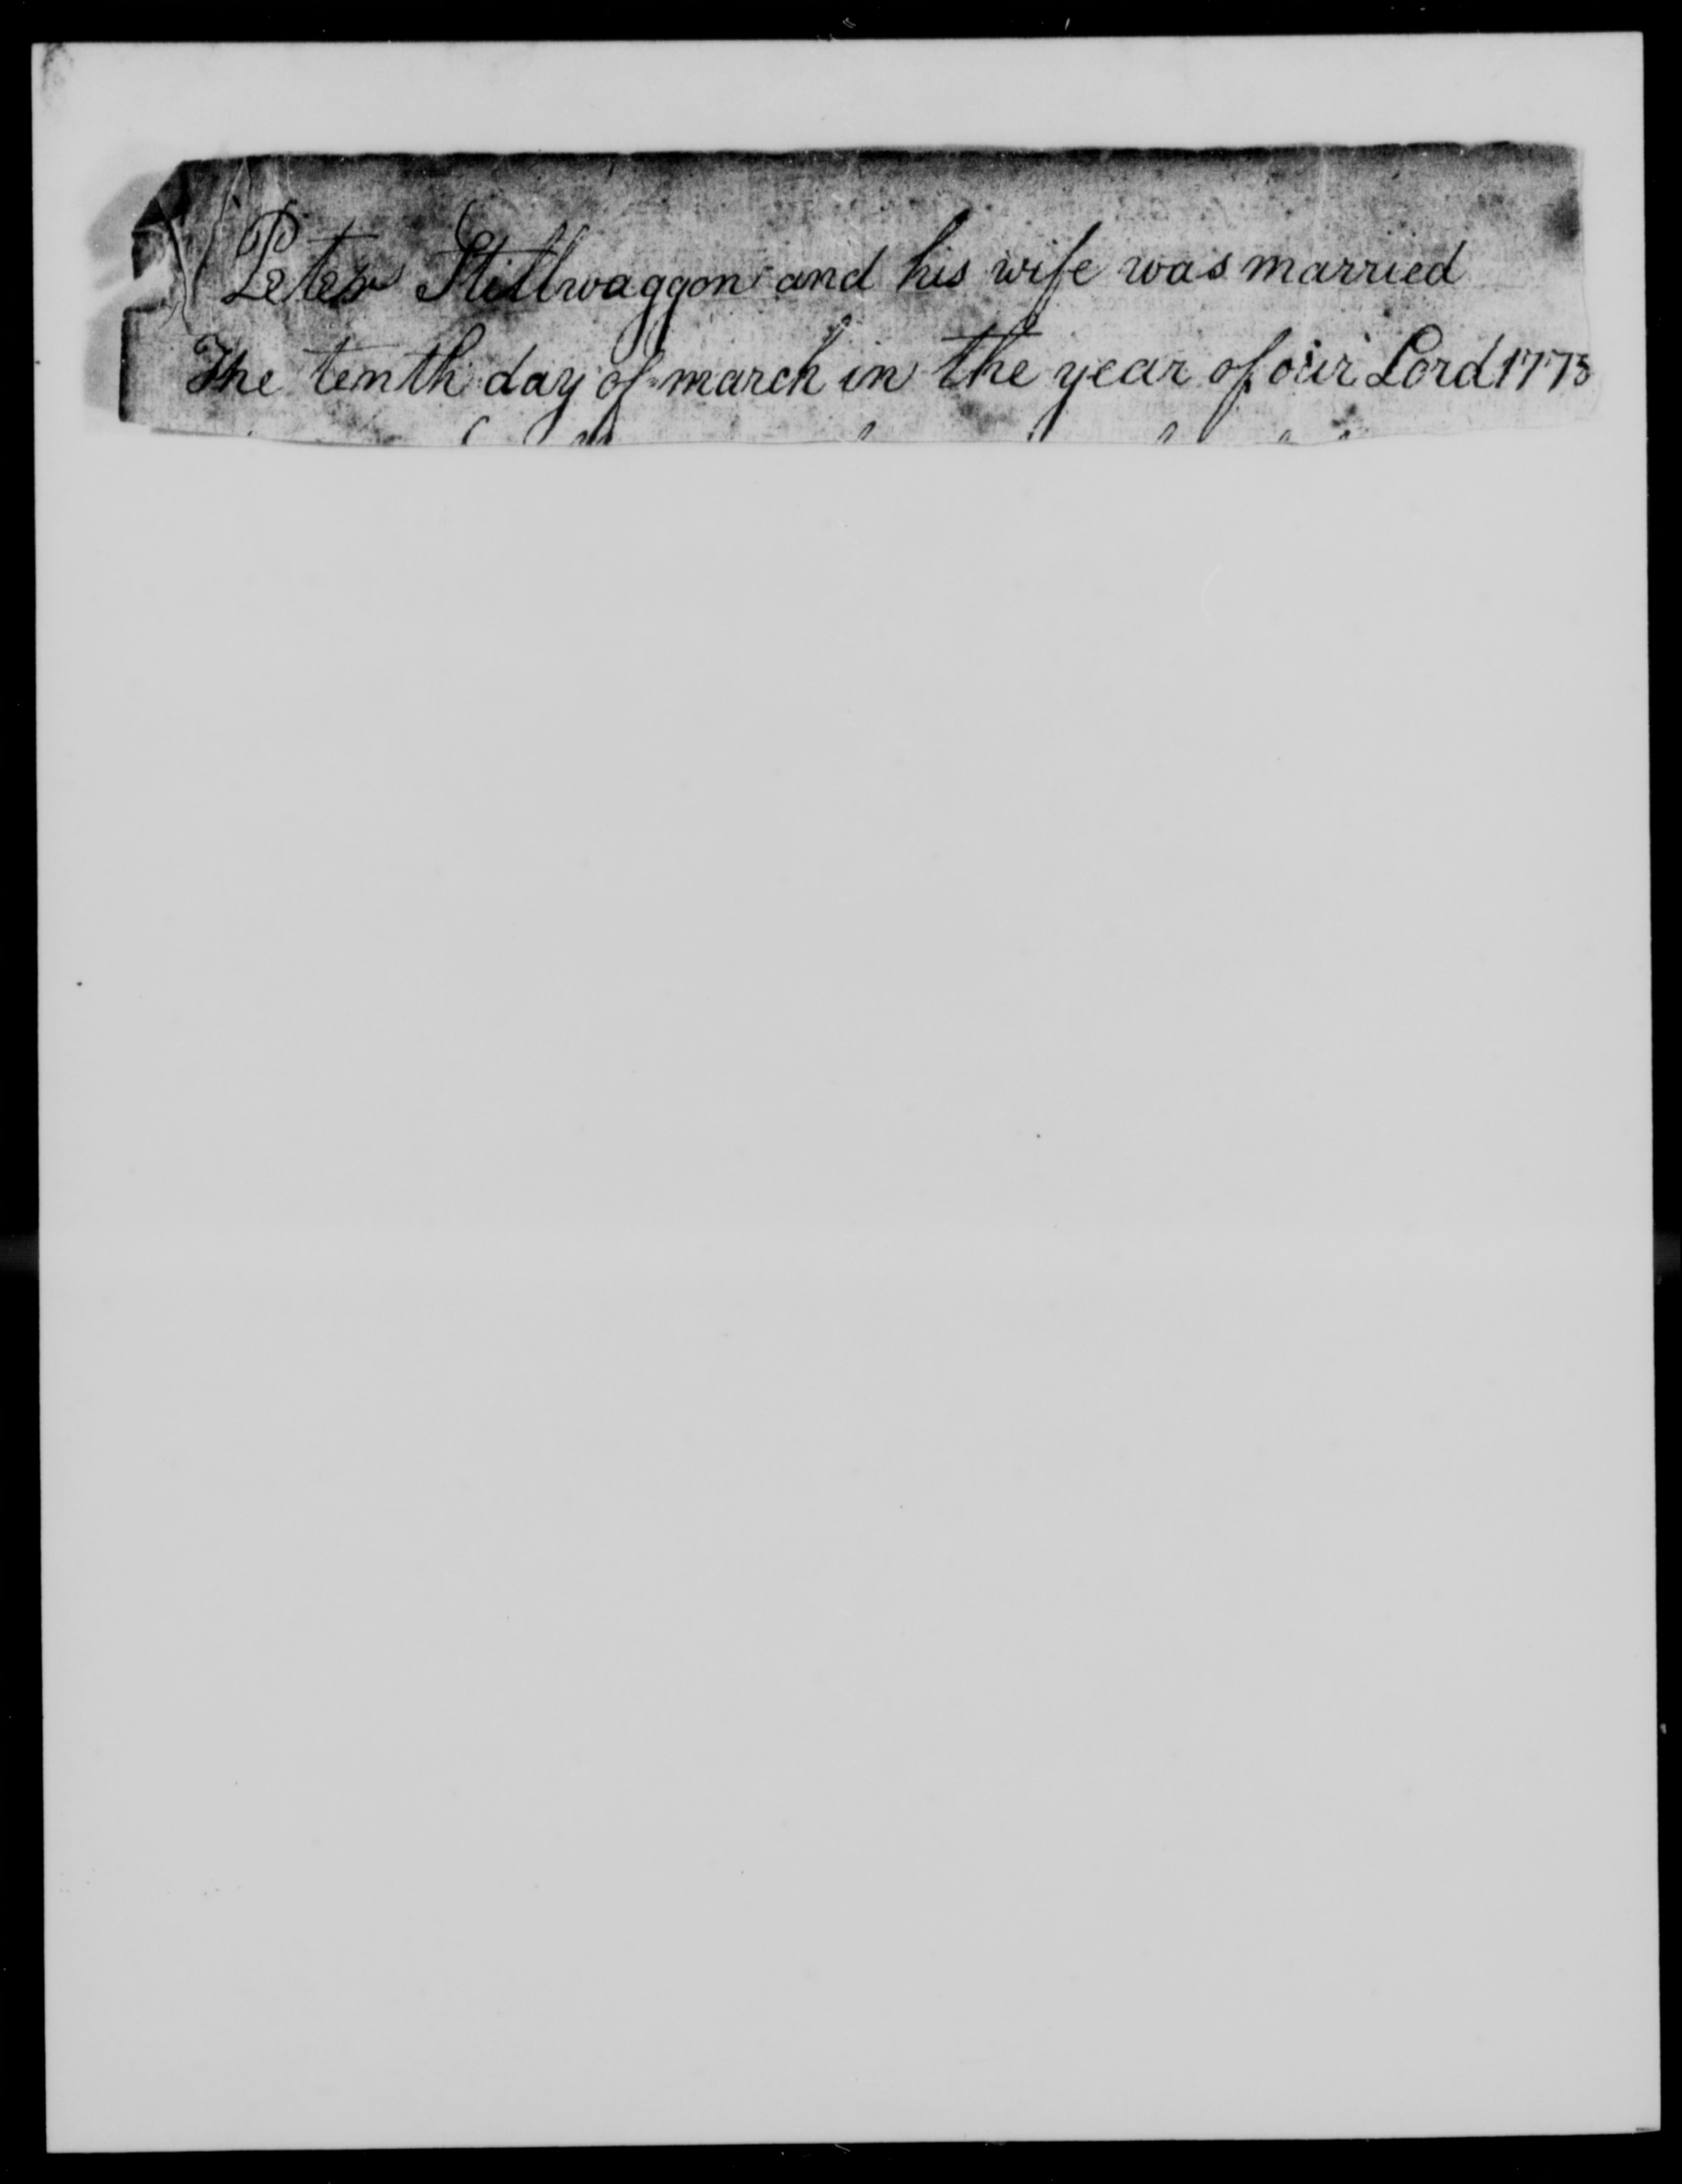Peter Stillwaggon [sic] and his wife was married The tenth day of march in the year of our Lord 1773 [or 1775 - last digit unclear due to paper tear]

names: Peter Stillwaggon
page: 7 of 73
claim: widow's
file: W. 3197, for Peter Stillwagon, New Jersey